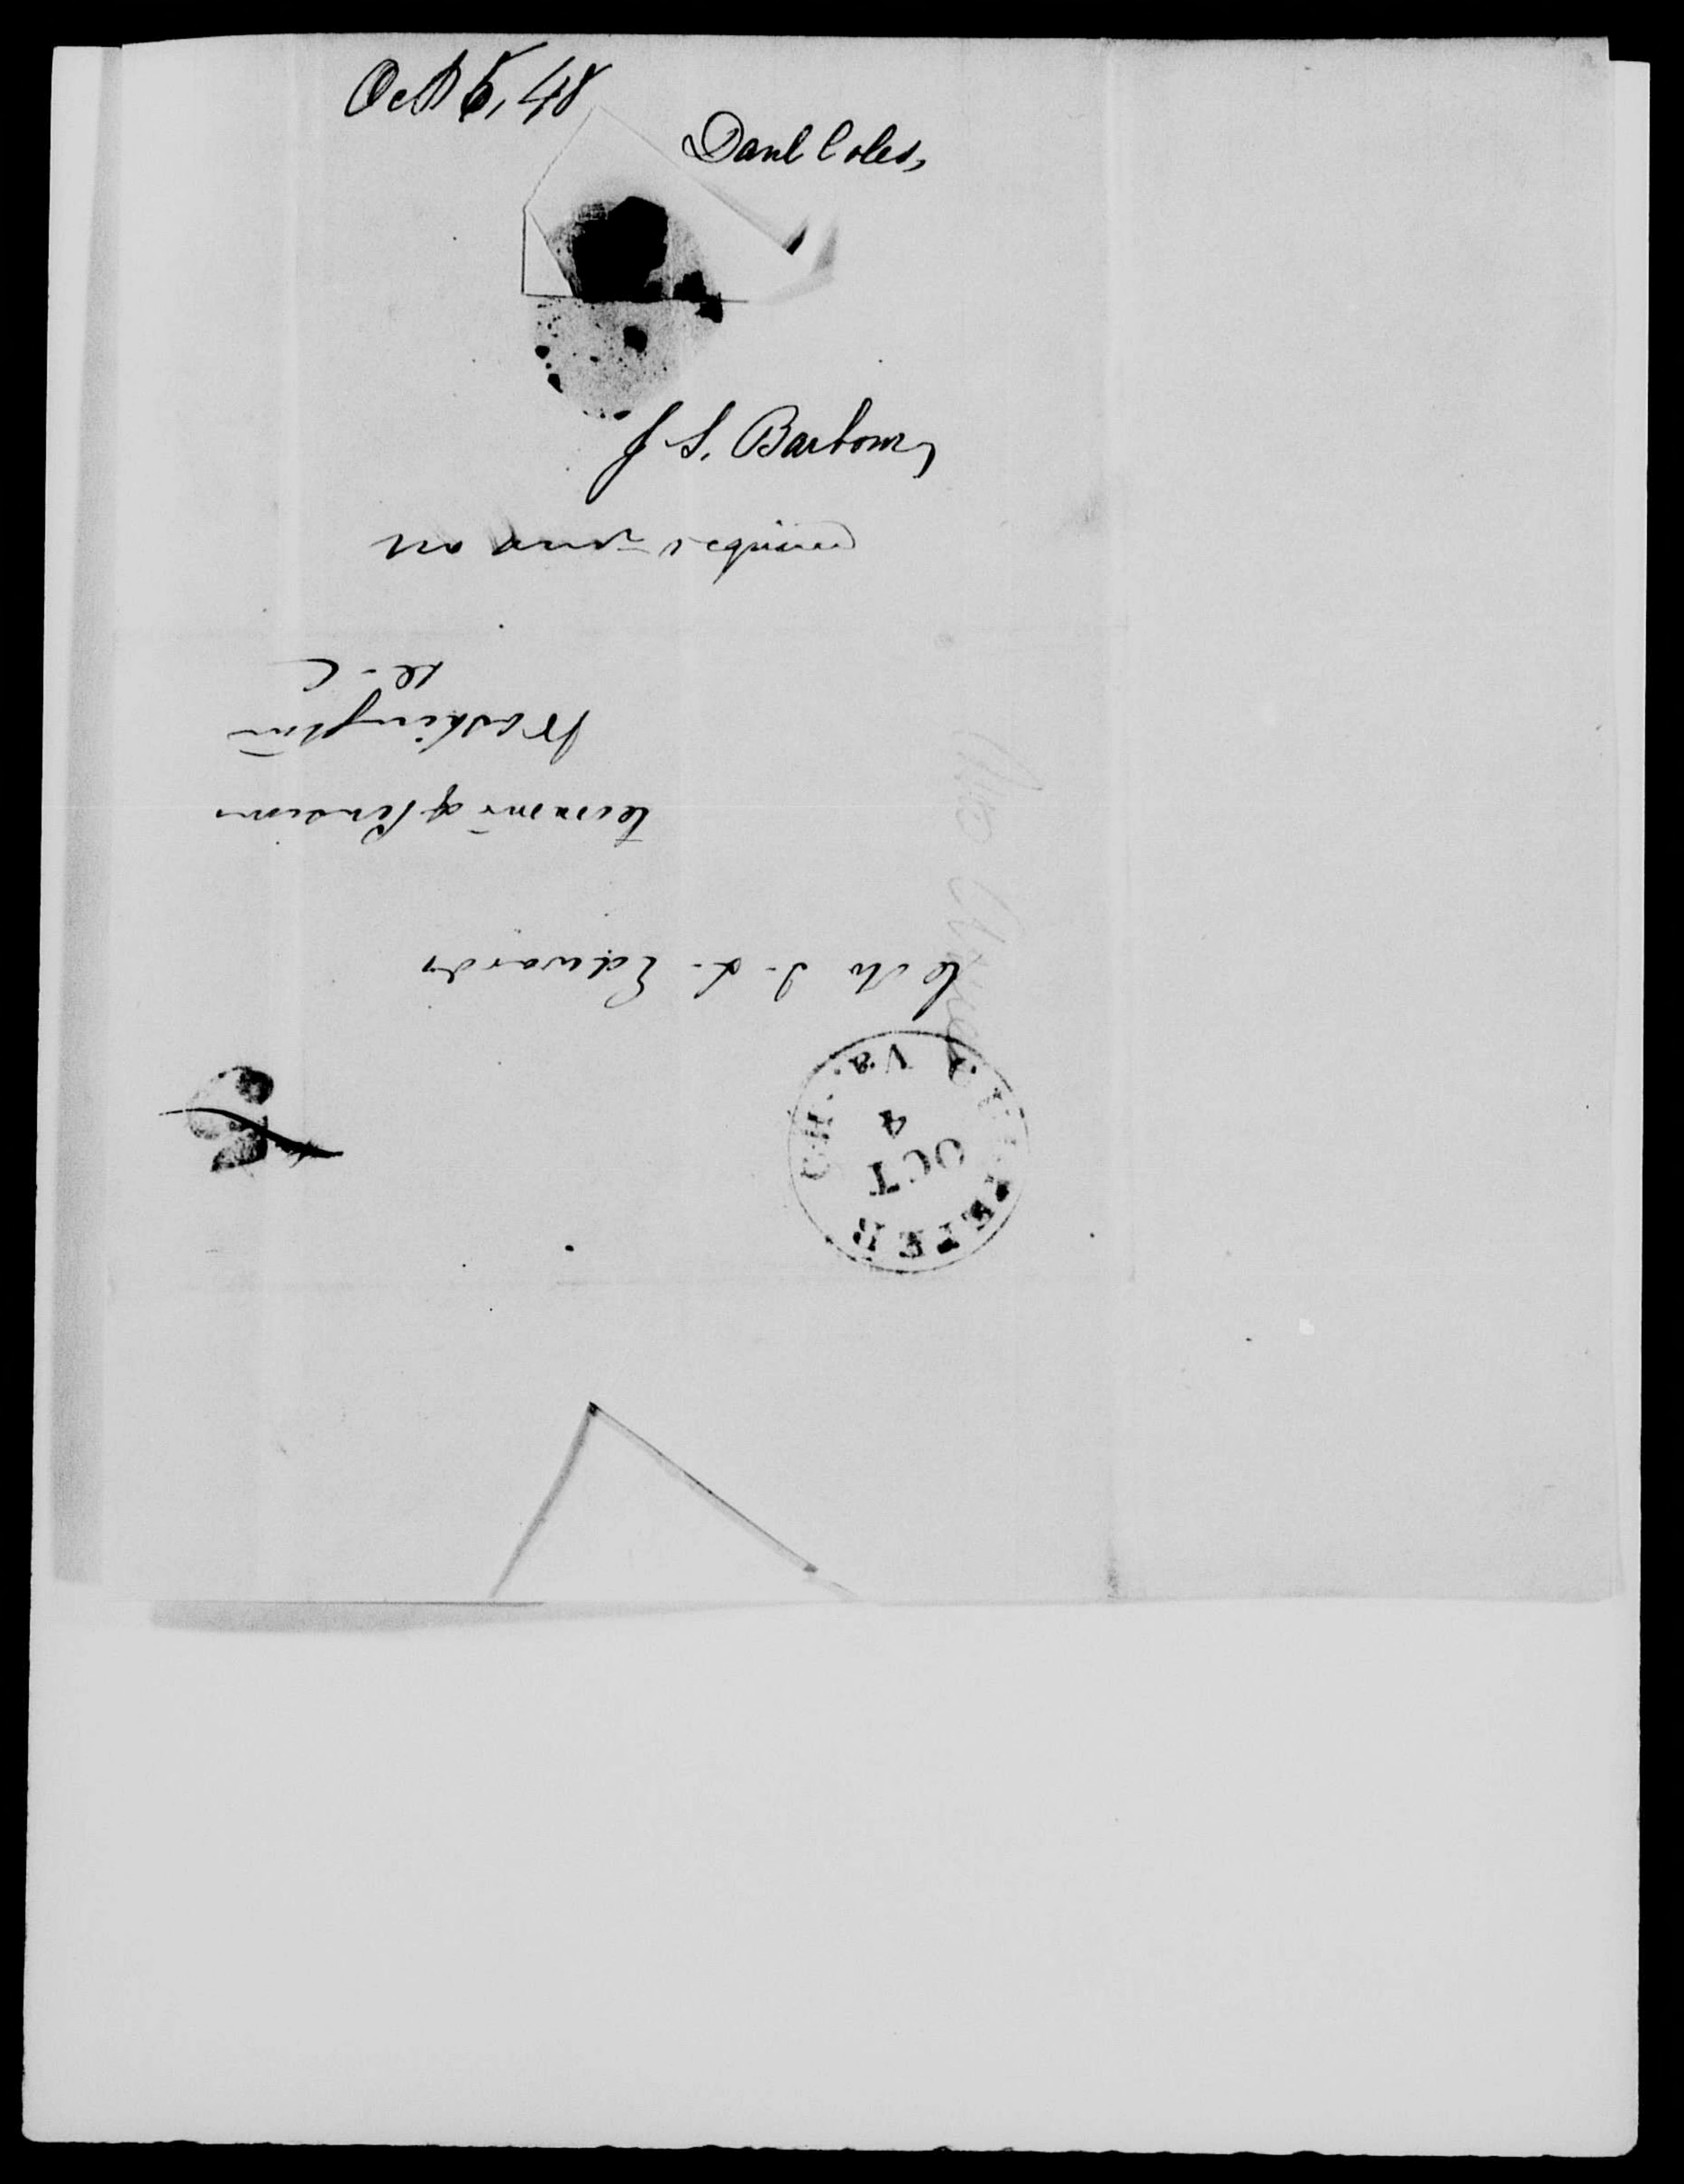Oct 6, 48
Danl [Daniel] Coles
No ansr [answer?] required. S. Barbour

[postmark] CULPEPPER C. H. [Court House]Va.

J. L. Edwards
Commissioner of Pensions 
Washington D. C.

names: J L Edwards, Danl Cole, J S Barbour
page: 47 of 61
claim: survivor's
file: S. 8236, Daniel Cole, Va.